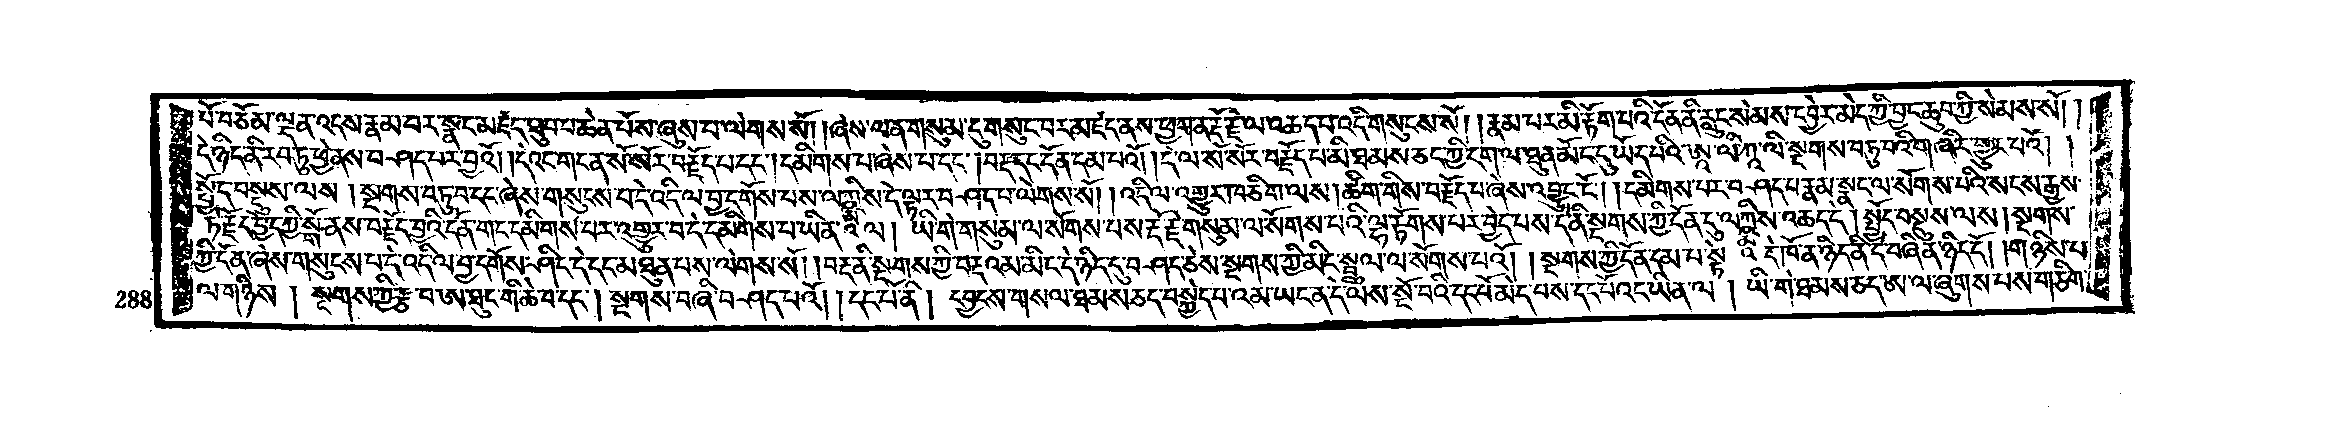པོ་བཅོམ་ལྡན་འདས་རྣམ་པར་སྣང་མཛད་ཐུབ་པ་ཆེན་པོས་ཞུས་པ་ལེགས་སོ། །ཞེས་ལན་གསུམ་དུ་གསུང་བར་མཛད་ནས་ཕྱག་ན་རྡོ་རྗེ་ལ་འཆད་པ་འདི་གསུངས་སོ། །རྣམ་པར་མི་རྟོག་པའི་དོན་ནི་རླུང་སེམས་དབྱེར་མེད་ཀྱི་བྱང་ཆུབ་ཀྱི་སེམས་སོ། །
དེ་ཉིད་ནི་རབ་ཏུ་ཕྱེ་ནས་བཤད་པར་བྱའོ། །དེའང་གང་ན་སོ་སོར་བརྗོད་པ་དང་། དམིགས་པ་ཞེས་པ་དང་། བརྡ་དང་དོན་དམ་པའོ། །དེ་ལ་སོ་སོར་བརྗོད་པ་མི་ཐམས་ཅད་ཀྱི་དག་ལ་ཐུན་མོང་དུ་ཡོད་པའི་ཨཱ་ལི་ཀཱ་ལི་སྔགས་བཏུ་བའི་གཞིར་གྱུར་པའོ། །
སྤྱོད་བསྡུས་ལས། སྔགས་བཏུ་བ་དང་ཞེས་གསུངས་པ་དེ་འདི་ལ་བྱ་དགོས་པས་ལཀྵྨཱིས་དེད་ལྟར་བཤད་པ་ལེགས་སོ། །འདི་ལ་འགྱུར་ཁ་ཅིག་ལས། ཚིག་གིས་བརྗོད་པ་ཞེས་འབྱུང་ངོ། །དམིགས་པར་བཤད་པ་རྣམ་སྣང་ལ་སོགས་པའི་སངས་རྒྱས་
ཏེ་རྗོད་བྱེད་ཀྱི་སྒོ་ནས་བརྗོད་བྱའི་དོན་གང་དམིགས་པར་འགྱུར་བ་དེ་དམིགས་པ་ཡིན་ལ། ཡི་གེ་གསུམ་ལ་སོགས་པས་རྡོ་རྗེ་གསུམ་ལ་སོགས་པའི་ལྷ་རྟོགས་པར་བྱེད་པས་དེ་ནི་སྔགས་ཀྱི་དོན་དུ་ལཀྵྨཱིས་འཆད་དེ། སྤྱོད་བསྡུས་ལས། སྔགས་
ཀྱི་དོན་ཞེས་གསུངས་པ་དེ་འདི་ལ་བྱ་དགོས་ཤིང་དེ་དང་མཐུན་པས་ལེགས་སོ། །བརྡ་ནི་སྔགས་ཀྱི་བརྡའམ་མིང་དེ་ཉིད་དུ་བཤད་ཅེས་སྔགས་ཀྱི་མིང་སྦྲུལ་ལ་སོགས་པའོ། །སྔགས་ཀྱི་དོན་དམ་པ་སྟེ་དེ་ཁོ་ན་ཉིད་ནི་དེ་བཞིན་ཉིད་དོ། །གཉིས་པ་
ཉིས། སྔགས་ཀྱི་རྩ་བ་ཨ་ཐུང་གི་ཆེ་བ་དང་། སྔགས་བཞི་བཤད་པའོ། །དང་པོ་ནི། དབྱངས་གསལ་ཐམས་ཅད་བསྐྱེད་པ་འམ་ཡང་ན་དེ་ལས་སྔ་པའི་དང་པོ་མེད་པས་དང་པོའང་ཡིན་ལ། ཡི་གེ་ཐམས་ཅད་ཨ་ལ་ཞུགས་པས་གཅིག་